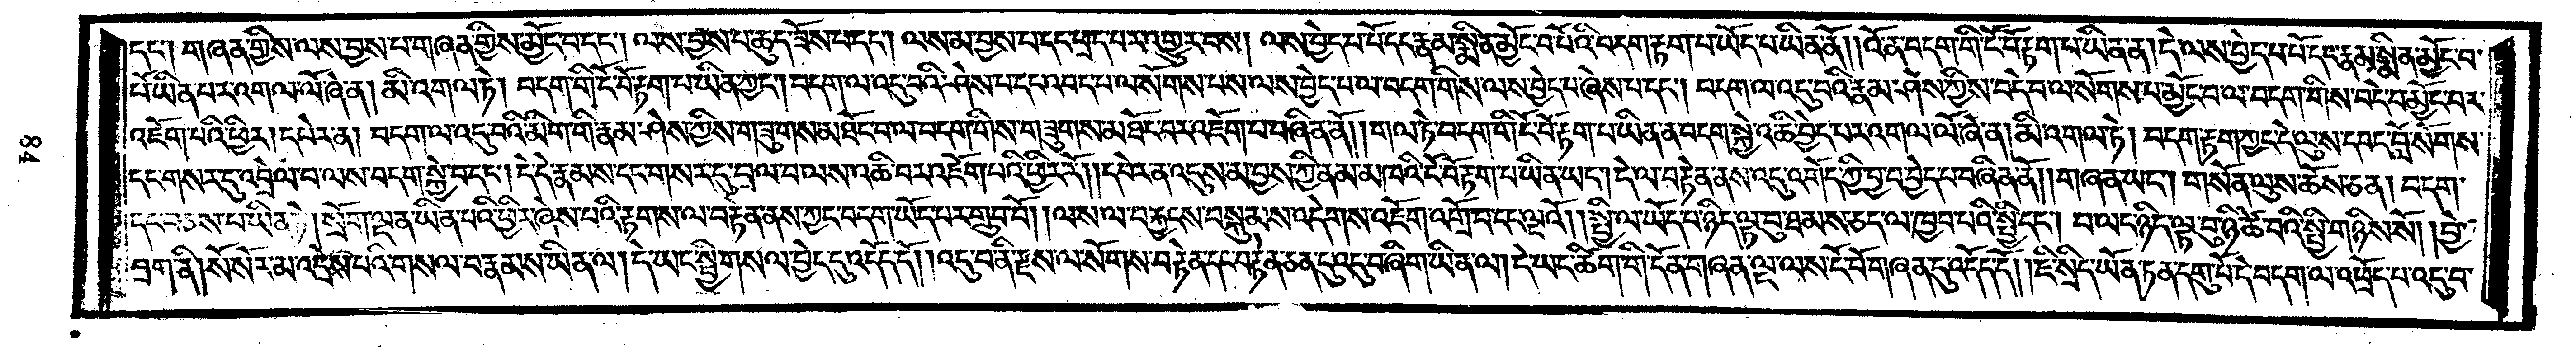དང་། གཞན་གྱིས་ལས་བྱས་པ་གཞན་གྱིས་མྱོང་བ་དང་། ལས་བྱས་པ་ཆུད་ཟོས་པ་དང་། ལས་མ་བྱས་པ་དང་ཕྲད་པར་འགྱུར་བས། ལས་བྱེད་པ་པོ་དང་རྣམ་སྨིན་མྱོང་བ་པོའི་བདག་རྟག་པ་ཡོད་པ་ཡིན་ནོ། །འོ་ན་བདག་གི་ངོ་བོ་རྟག་པ་ཡིན་ན། དེ་ལས་བྱེད་པ་པོ་དང་རྣམ་སྨིན་མྱོང་བ་
པོ་ཡིན་པར་འགལ་ལོ་ཞེ་ན། མི་འགལ་ཏེ། བདག་གི་ངོ་བོ་རྟག་པ་ཡིན་ཀྱང་། བདག་ལ་འདུ་བའི་ཤེས་པ་དང་འབད་པ་ལ་སོགས་པས་ལས་བྱེད་པ་ལ་བདག་གིས་ལས་བྱེད་པ་ཞེས་པ་དང་། བདག་ལ་འདུ་བའི་རྣམ་ཤེས་ཀྱིས་བདེ་བ་ལ་སོགས་པ་མྱོང་བ་ལ་བདག་གིས་བདེ་བ་མྱོང་བར་
འཇོག་པའི་ཕྱིར། དཔེར་ན། བདག་ལ་འདུ་བའི་མིག་གི་རྣམ་ཤེས་ཀྱིས་གཟུགས་མཐོང་བ་ལ་བདག་གིས་གཟུགས་མཐོང་བར་འཇོག་པ་བཞིན་ནོ། །གལ་ཏེ་བདག་གི་ངོ་བོ་རྟག་པ་ཡིན་ན་བདག་སྐྱེ་འཆི་བྱེད་པར་འགལ་ལོ་ཞེ་ན། མི་འགལ་ཏེ། བདག་རྟག་ཀྱང་དེ་ལུས་དབང་བློ་སོགས་
དང་གསར་དུ་འབྲེལ་བ་ལས་བདག་སྐྱེ་བ་དང་། དེ་དེ་རྣམས་དང་གསར་དུ་བྲལ་བ་ལས་འཆི་བར་འཇོག་པའི་ཕྱིར་རོ། །དཔེར་ན་འདུས་མ་བྱས་ཀྱི་ནམ་མཁའི་ངོ་བོ་རྟག་པ་ཡིན་ཡང་། དེ་ལ་བརྟེན་ནས་འདུ་འགོད་ཀྱི་བྱ་བ་བྱེད་པ་བཞིན་ནོ། །གཞན་ཡང་། གསོན་ལུས་ཆོས་ཅན། བདག་
དང་བཅས་པ་ཡིན་ཏེ། སྲོག་ལྡན་ཡིན་པའི་ཕྱིར་ཞེས་པའི་རྟགས་ལ་བརྟེན་ནས་ཀྱང་བདག་ཡོད་པར་གྲུབ་བོ། །ལས་ལ་བརྐྱངས་བསྐུམས་འདེགས་འཇོག་འགྲོ་བ་དང་ལྔའོ། །སྤྱི་ལ་ཡོད་པ་ཉིད་ལྟ་བུ་ཐམས་ཅད་ལ་ཁྱབ་པའི་སྤྱི་དང་། བ་ལང་ཉིད་ལྟ་བུ་ཉི་ཚེ་བའི་སྤྱི་གཉིས་སོ། །བྱེ་
བྲག་ནི། སོ་སོར་མ་འདྲེས་པའི་གསལ་བ་རྣམས་ཡིན་ལ། དེ་ཡང་སྤྱི་གསལ་བྱེད་དུ་འདོད་དོ། །འདུ་བ་ནི་རྫས་ལ་སོགས་པ་རྟེན་དང་བརྟེན་ཅན་དུ་འདུ་བ་ཞིག་ཡིན་ལ། དེ་ཡང་ཚིག་གི་དོན་གཞན་ལྔ་ལས་ངོ་བོ་གཞན་དུ་འདོད་དོ། །ཇི་སྲིད་ཡོན་ཏན་དགུ་པོ་དེ་བདག་ལ་འཕྲོད་པ་འདུ་བ་